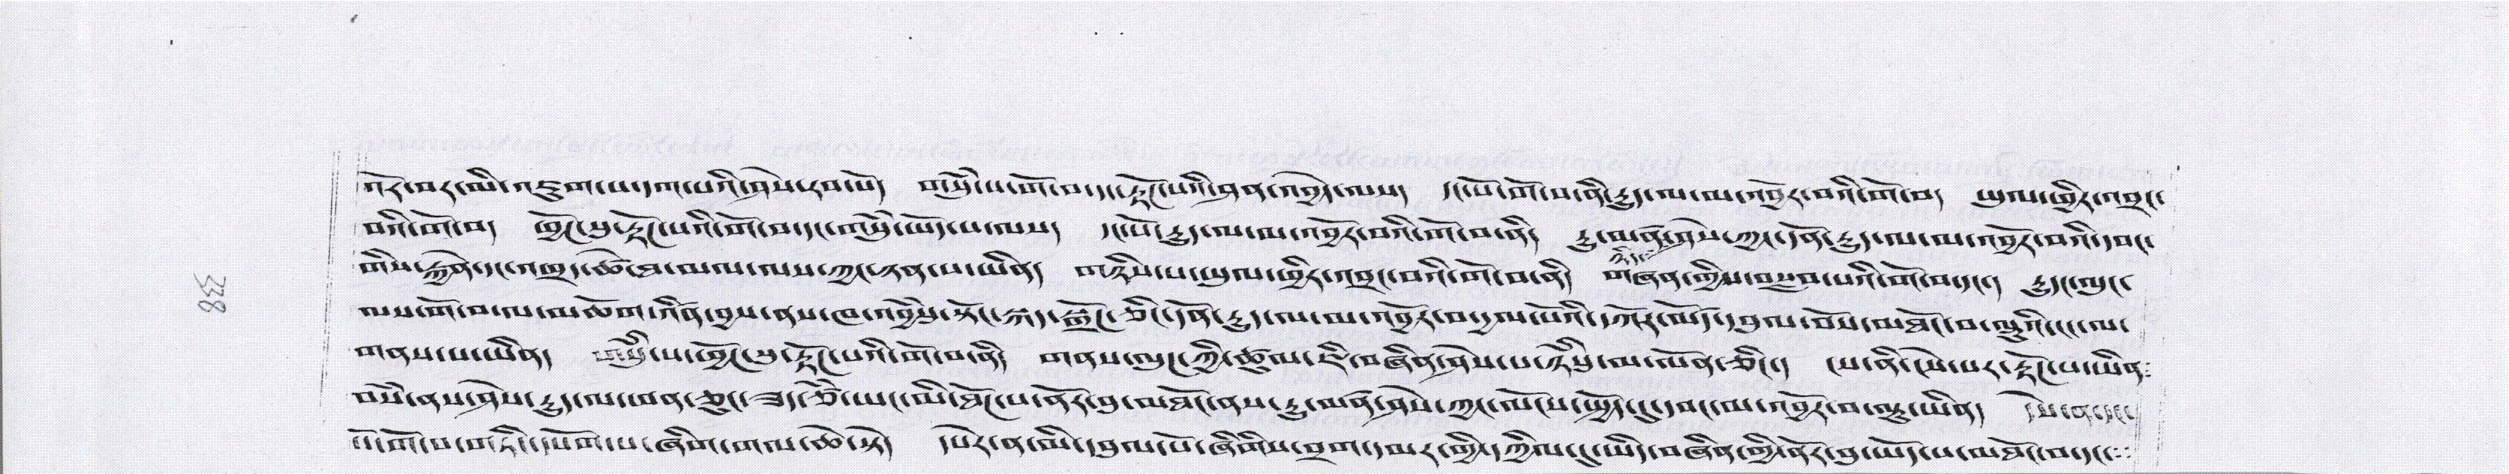འཁོར་བར་མི་འཇུག་པ་དག་པའི་ཤེས་རབ་བོ། གསུམ་པ་གོ་བ་དང་རྟོགས་པའི་ཤན་འབྱེད་ལས། དང་པོ་གོ་བ་ནི་རྒྱུད་ལ་མ་འབྱོར་བའི་གོ་བ། ཡུལ་ཕྱིར་འབྲང་
བའི་གོ་བ། ཕྱོགས་སུ་རྟོགས་པའི་གོ་བ་དང་གསུམ་ཡོད་པ་ལས། དང་པོ། རྒྱུད་ལ་མ་འབྱོར་བའི་གོ་བ་ནི། རྒྱུ་མཚན་ཉིད་ཤེས་ཀྱང་དོན་རྒྱུད་ལ་མ་འབྱོར་བའི་དབང་
གིས་རྐྱེན་དང་འཕྲད་ཚེ་ཐ་མལ་ལས་ཀྱང་ཉན་པ་ཡིན། གཉིས་པ་ཡུལ་ཕྱིར་འབྲང་བའི་གོ་བ་ནི། གཞན་གྱིས་བསླབ་པའི་གོ་བ་དང། རྒྱུད་དང་ལུང་
ལས་གོ་བ་ལ་མཆོག་འཛིན་བྱས་ནས་ཁ་འབྱམས་སྟོང་སྐད་སྒྲོགས་ཅིང་དོན་རྒྱུད་ལ་མ་འབྱོར་བ་རྒྱལ་པོའི་དཀོར་མཛོད་དབུལ་བོས་མཐོང་བ་ལྟ་བུའི་ངང་ལ་
གནས་པ་ཡིན། གསུམ་པ་ཕྱོགས་སུ་རྟོགས་པའི་གོ་བ་ནི། གནས་ལུགས་ཀྱི་ཚུལ་ཇི་བཞིན་ཤེས་པ་ཉམས་སུ་མ་ལོན་ཅིང། ངས་ནི་ངེས་པར་རྟོགས་པ་ཡིན་
བསམ་ནས་ཤེས་རྒྱུད་ལ་ཕན་ཅུང་ཟད་ཙམ་ཡང་མི་ཐོགས་པ་ནོར་བུ་མཐོང་ནས་རྒྱུ་མཚན་ཤེས་ཀྱང་ལོངས་སྤྱོད་དུ་དབང་མ་འབྱོར་བ་ལྟ་བུ་ཡིན། དེས་ན་དང་
པོ་གོ་བ་གཏིང་དཔོག་པ་ཞིག་གལ་ཆེ་སྟེ། དཔེར་ན་མི་དབུལ་པོ་ཞིག་གིས་བྲག་དམར་གྱི་དཀྱིལ་དུ་ཡིད་བཞིན་གྱི་ནོར་བུ་ཡོད་པ་མཐོང་བ་དང།